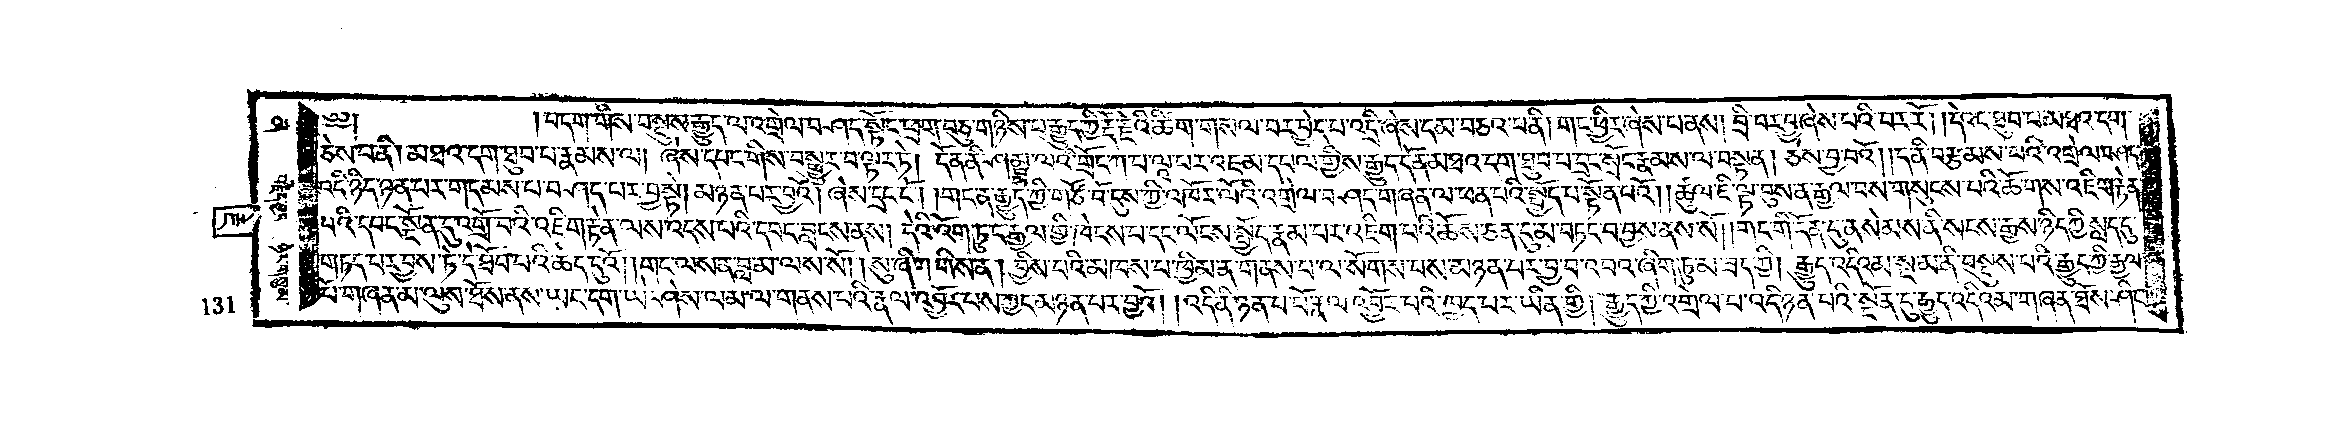༄༅། །བདག་གིས་བསྡུས་རྒྱུད་ལ་འགྲེལ་བཤད་སྟོང་ཕྲག་བཅུ་གཉིས་པ་རྒྱུད་ཀྱི་རྡོ་རྗེའི་ཚིག་གསལ་བར་བྱེད་པ་འདྲི་ཞེས་དམ་བཅའ་པ་ནི། གང་ཕྱིར་ཞེས་པ་ནས། བྲི་བར་བྱ་ཞེས་པའི་བར་རོ། །དེའང་ཐུབ་པ་མཐའ་དག་
ཅེས་པ་ནི། མཐའ་དག་ཐུབ་པ་རྣམས་ལ། ཞེས་དབང་གིས་བསྒྱུར་བ་ལྟར་ཏེ། དོན་ནི་ཤྨྦྷ་ལའི་གྲོང་ཀ་པ་ལཱ་པར་འཇམ་དཔལ་གྱིས་རྒྱུད་དོན་མཐའ་དག་ཐུབ་པ་དྲང་སྲོང་རྣམས་ལ་བསྟན། ཅེས་བྱ་བའོ། །ད་ནི་བརྩམས་པའི་འགྲེལ་བཤད་
འདི་ཉིད་ཉན་པར་གདམས་པ་བཤད་པར་བྱ་སྟེ། མཉན་པར་བྱའོ། ཞེས་དྲང་ངོ། །གང་ན་རྒྱུད་ཀྱི་གཙོ་བོ་དུས་ཀྱི་འཁོར་ལོའི་འགྲེལ་བཤད་གཞན་ལ་ཕན་པའི་སྤྱོད་པ་སྟོན་པའོ། །ཚུལ་ཇི་ལྟ་བུས་ན་རྒྱལ་བས་གསུངས་པའི་ཆོ་གས་འཇིག་རྟེན་
པའི་དབང་སྔོན་དུ་འགྲོ་བའི་འཇིག་རྟེན་ལས་འདས་པའི་དབང་བླངས་ནས། དེའི་འོག་ཏུ་ང་རྒྱལ་གྱི་ཁེངས་པ་དང་ལོངས་སྤྱོད་རྣམ་པར་འཇིག་པའི་ཆོས་ཅན་དུ་མ་བཏང་བ་བྱས་ནས་སོ། །གང་གི་དོན་དུ་ན་སེམས་ནི་སངས་རྒྱས་ཉིད་ཀྱི་སླད་དུ་
གཏད་པར་བྱས་ཏེ་དེ་ཐོབ་པའི་ཆེད་དུའོ། །གང་ལས་ན་བླ་མ་ལས་སོ། །སུ་ཞིག་གིས་ན། བྱིས་པའི་མཁས་པ་ཁྱིམ་ན་གནས་པ་ལ་སོགས་པས་མཉན་པར་བྱ་བ་འབའ་ཞིག་ཏུ་མ་ཟད་ཀྱི། རྒྱུད་འདིའམ་སྔ་མ་ནི་བསྡུས་པའི་རྒྱུད་ཀྱི་རྒྱལ་
པོ་གཞན་མ་ལུས་ཐོས་ནས་ཡང་དག་ཡེ་ཤེས་ལམ་ལ་གནས་པའི་རྣལ་འབྱོར་པས་ཀྱང་མཉན་པར་བྱའོ། །འདི་ནི་ཉན་པ་པོ་རྣལ་འབྱོར་པའི་ཁྱད་པར་ཡིན་གྱི། རྒྱུད་ཀྱི་འགྲེལ་པ་འདི་ཉན་པའི་སྔོན་དུ་རྒྱུད་འདིའམ་གཞན་ཐོས་ཤིང་